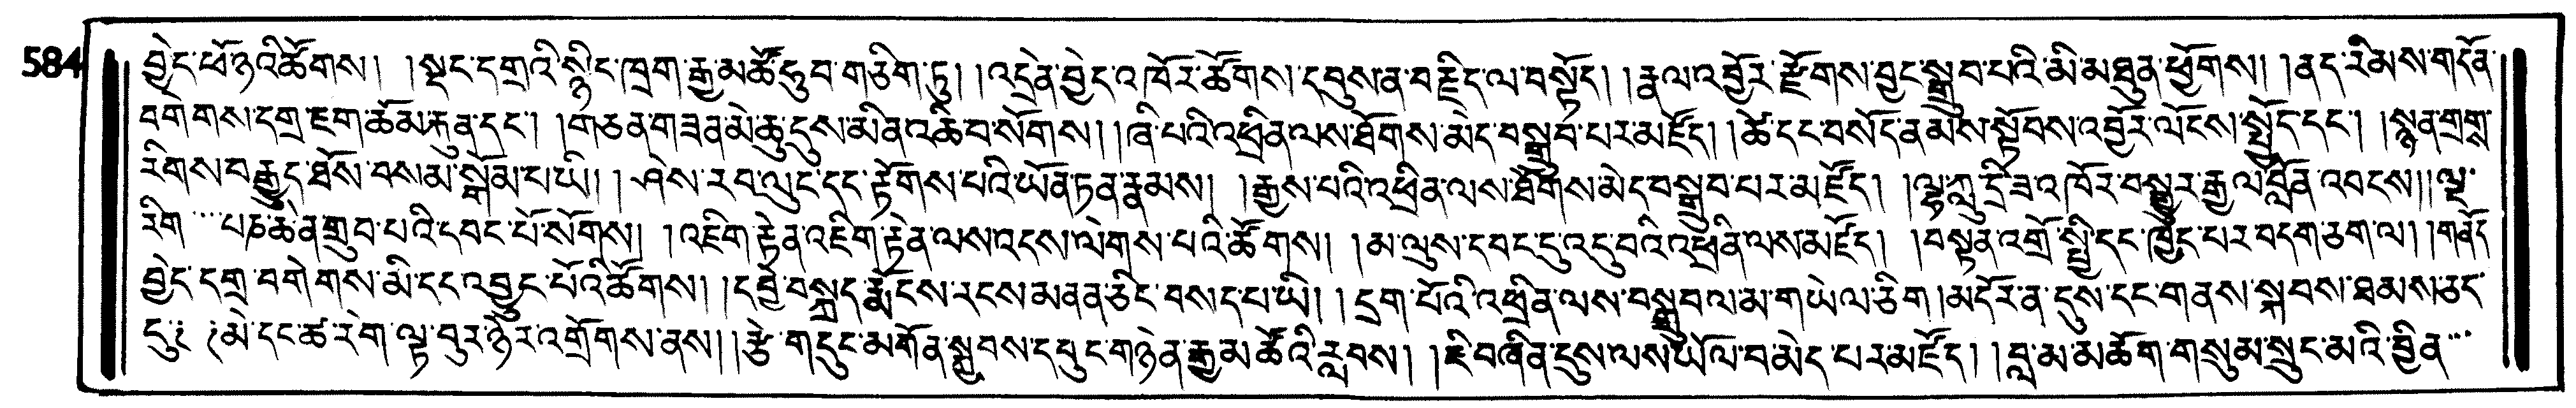བྱེད་ཕོ་ཉའི་ཚོགས། །སྡང་དགྲའི་སྙིང་ཁྲག་རྒྱ་མཚོ་ཧུབ་གཅིག་ཏུ། །འདྲེན་བྱེད་འཁོར་ཚོགས་དབུས་ན་བརྗིད་ལ་བསྟོད། །རྣལ་འབྱོར་རྫོགས་བྱང་སྒྲུབ་པའི་མི་མཐུན་ཕྱོགས། །ནད་རིམས་གདོན་
བགེགས་དགྲ་ཇག་ཆོམ་རྐུན་དང་། །གཅན་གཟན་མེ་ཆུ་དུས་མིན་འཆི་བ་སོགས། །ཞི་པའི་འཕྲིན་ལས་ཐོགས་མེད་བསྒྲུབ་པར་མཛོད། །ཚེ་དང་བསོད་ནམས་སྟོབས་འབྱོར་ལོངས་སྤྱོད་དང་། །སྙན་གྲགས་
རིགས་བརྒྱུད་ཐོས་བསམ་སྒོམ་པ་ཡི། །ཤེས་རབ་ལུང་དང་རྟོགས་པའི་ཡོན་ཏན་རྣམས། །རྒྱས་པའི་འཕྲིན་ལས་ཐོགས་མེད་བསྒྲུབ་པར་མཛོད། །ལྷ་ཀླུ་དྲི་ཟ་འཁོར་བསྒྱུར་རྒྱལ་བློན་འབངས། །ལྔ་་་
རིག་་་པཎ་ཆེན་གྲུབ་པའི་དབང་པོ་སོགས། །འཇིག་རྟེན་འཇིག་རྟེན་ལས་འདས་ལེགས་པའི་ཚོགས། །མ་ལུས་དབང་དུ་འདུ་བའི་འཕྲིན་ལས་མཛོད། །བསྟན་འགྲོ་སྤྱི་དང་ཁྱད་པར་བདག་ཅག་ལ། །གནོད་
བྱེད་དགྲ་བགེགས་མི་དང་འབྱུང་པོའི་ཚོགས། །དབྱེ་བསྐྲད་རྨོངས་རངས་མནན་ཅིང་བསད་པ་ཡི། །དྲག་པོའི་འཕྲིན་ལས་བསྒྲུབ་ལ་མ་གཡེལ་ཅིག །མདོར་ན་དུས་དང་གནས་སྐབས་ཐམས་ཅད་
དུ༑ ༑མེ་དང་ཚ་རེག་ལྟ་བུར་ཉེར་འགྲོགས་ནས། །རྩེ་གདུང་མགོན་སྐྱབས་དབུང་གཉེན་རྒྱ་མཚོའི་རླབས། །ཇི་བཞིན་དུས་ལས་ཡོལ་བ་མེད་པར་མཛོད། །བླ་མ་མཆོག་གསུམ་སྲུང་མའི་བྱིན་་་